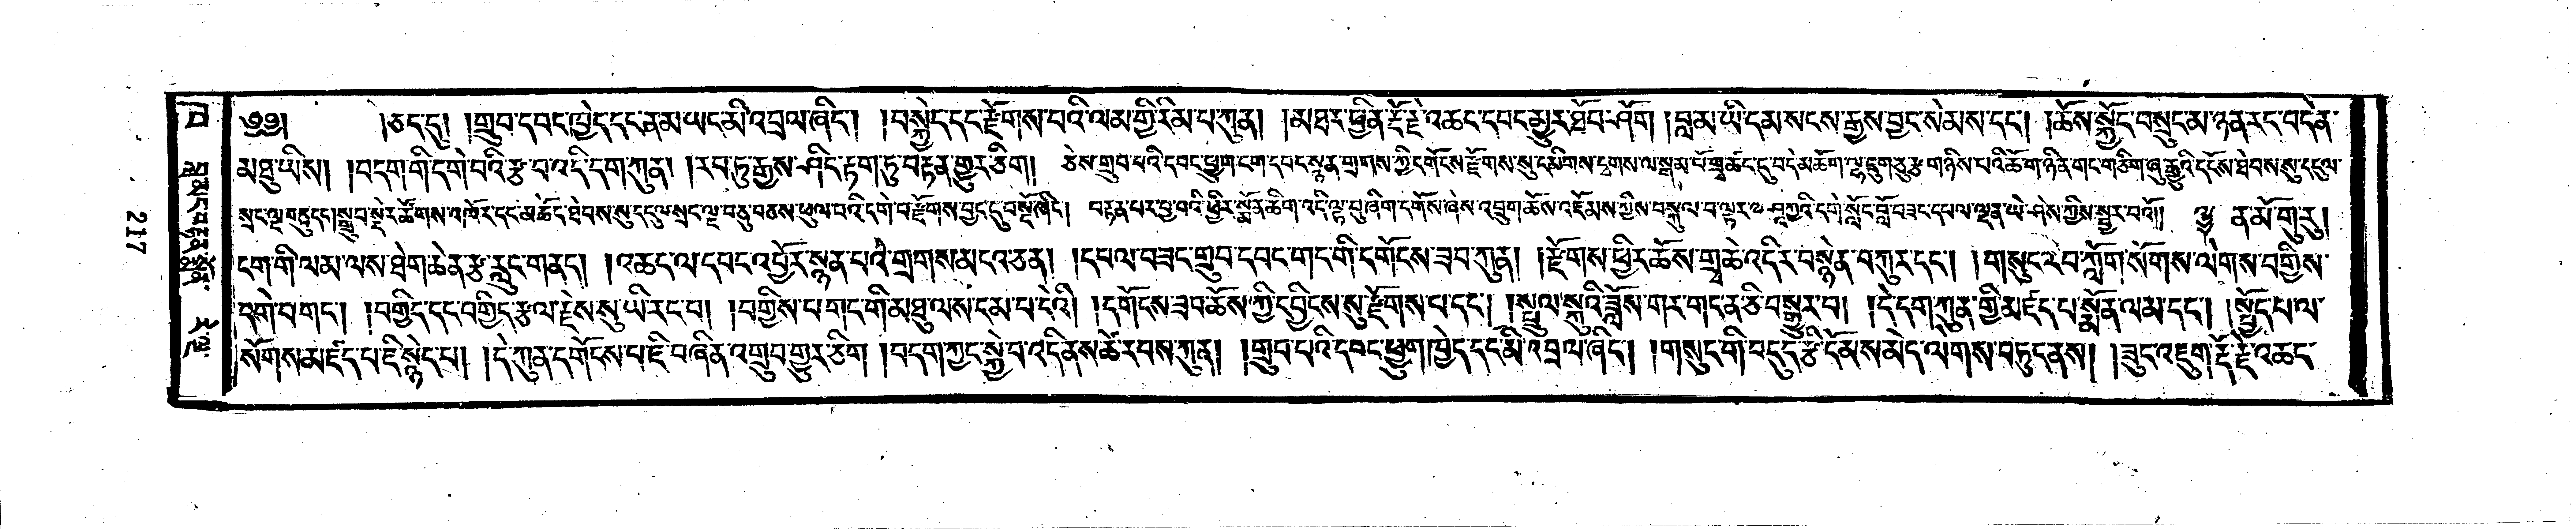༄༅། །ཅད་དུ། །གྲུབ་དབང་ཁྱེད་དང་ནམ་ཡང་མི་འབྲལ་ཞིང་། །བསྐྱེད་དང་རྫོགས་པའི་ལམ་གྱི་རིམ་པ་ཀུན། །མཐར་ཕྱིན་རྡོ་རྗེ་འཆང་དབང་མྱུར་ཐོབ་ཤོག །བླ་མ་ཡི་དམ་སངས་རྒྱས་བྱང་སེམས་དང་། །ཆོས་སྐྱོང་བསྲུང་མ་ཉན་རང་བདེན་
མཐུ་ཡིས། །བདག་གི་དགེ་བའི་རྩ་བ་འདི་དག་ཀུན། །རབ་ཏུ་རྒྱས་ཤིང་རྟག་ཏུ་བརྟན་གྱུར་ཅིག། ཅེས་གྲུབ་པའི་དབང་ཕྱུག་ངག་དབང་སྙན་གྲགས་ཀྱི་དགོངས་རྫོགས་སུ་དམིགས་དྭགས་ལ་སྒམ་པོ་གྲྭ་ཚང་དུ་བདེ་མཆོག་ལྷ་དྲུག་ཅུ་རྩ་གཉིས་པའི་ཆོ་གཉིས་གང་གཅིག་ཞུ་རྒྱུའི་དངོས་ཐེབས་སུ་དངུལ་
སྲང་ལྔ་བཅུ་དང་། སྒྲུབ་སྡེར་ཚོགས་འཁོར་དང་མཆོད་ཐེབས་སུ་དངུལ་སྲང་ལྔ་བཅུ་བཅས་ཕུལ་བའི་དགེ་བརྫོགས་བྱང་དུ་བསྡོ་ཞིང་། བརྟན་པར་བྱ་བའི་ཕྱིར་སྨོན་ཆིག་འདི་ལྟ་བུ་ཞིག་དགོས་ཞེས་འབྲུག་ཆོས་འཇོམས་ཀྱིས་བསྐུལ་བ་ལྟར་༧་ཤཱཀྱའི་དགེ་སློང་བློ་བཟང་དཔལ་ལྡན་ཡེ་ཤེས་ཀྱིས་སྦྱར་བའོ།། ༈ ན་མོ་གུ་རུ།
ངག་གི་ལམ་ལས་ཐེག་ཆེན་རྩ་རླུང་གནང་། །འཆད་ལ་དབང་འབྱོར་སྙན་པའི་གྲགས་མངའ་ཅན། །དཔལ་བཟང་གྲུབ་དབང་གང་གི་དགོངས་ཟབ་ཀུན། །རྫོགས་ཕྱིར་ཆོས་གྲྭ་ཆེ་འདིར་བསྙེན་བཀུར་དང་། །གསུང་རབ་ཀློག་སོགས་ལེགས་བགྱིས་
དགེ་བ་གང་། །བགྱིད་དང་བགྱིད་རྩལ་རྗེས་སུ་ཡི་རང་བ། །བགྱིས་པ་གང་གི་མཐུ་ལས་དམ་པ་དེའི། །དགོངས་ཟབ་ཆོས་ཀྱི་དབྱིངས་སུ་རྫོགས་པ་དང་། །སྤྲུལ་སྐུའི་ཟློས་གར་གང་ན་ཅི་བསྒྱུར་བ། །དེ་དག་ཀུན་གྱི་མཛད་པ་སྨོན་ལམ་དང་། །སྤྱོད་པ་ལ་
སོགས་མཛད་པ་ཇི་སྙེད་པ། །དེ་ཀུན་དགོངས་པ་ཇི་བཞིན་འགྲུབ་གྱུར་ཅིག །བདག་ཀྱང་སྐྱེ་བ་འདི་ནས་ཚེ་རབས་ཀུན། །གྲུབ་པའི་དབང་ཕྱུག་ཁྱེད་དང་མི་འབྲལ་ཞིང་། །གསུང་གི་བདུད་རྩི་དོམས་མེད་ལེགས་བཏུད་ནས། །ཟུང་འཇུག་རྡོ་རྗེ་འཆད་